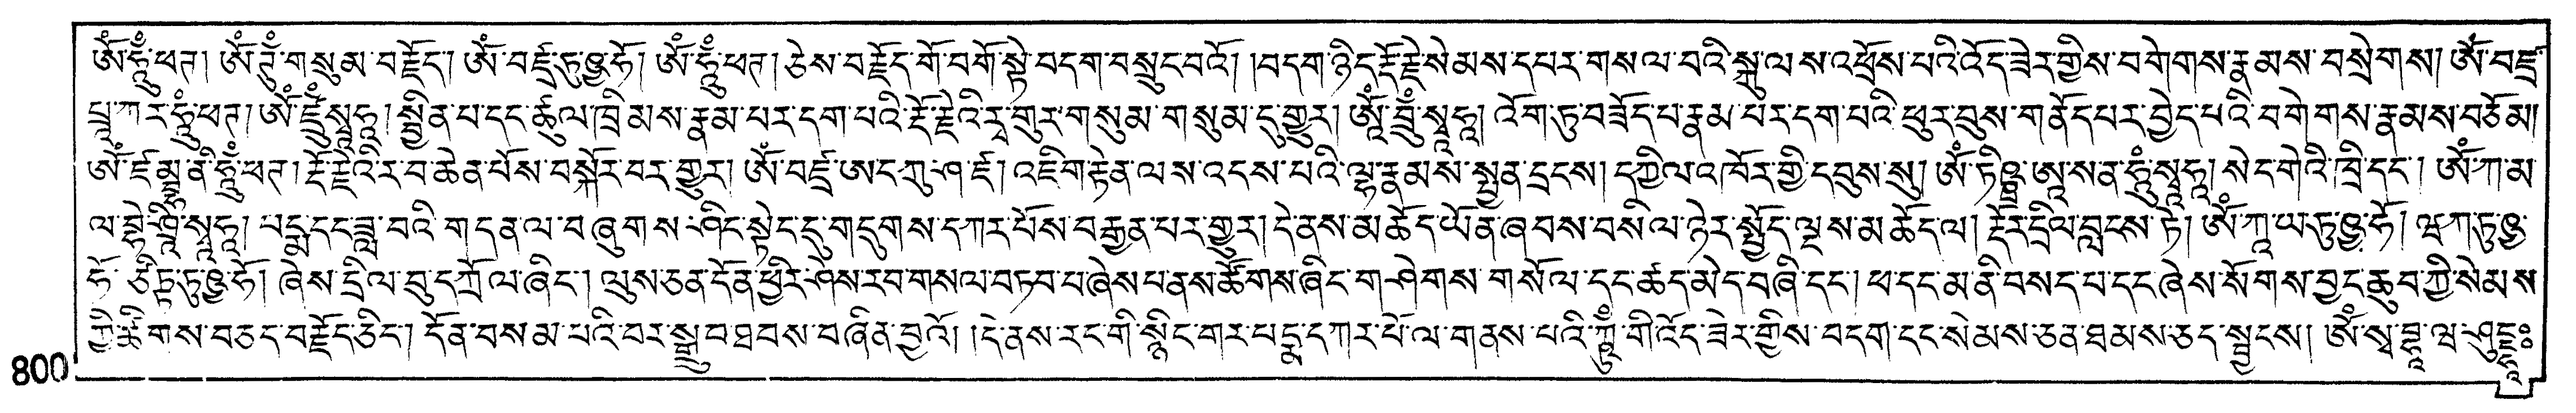ཨོཾ་ཧཱུཾ་ཕཊ། ཨོཾ་ཊུཾ་གསུམ་བརྗོད། ཨོཾ་བཛྲ་ཏུ་ཥྱ་ཧོ། ཨོཾ་ཧཱུཾ་ཕཊ། ཅེས་བརྗོད་གོ་བགོ་སྟེ་བདག་བསྲུང་བའོ། །བདག་ཉིད་རྡོ་རྗེ་སེམས་དཔར་གསལ་བའི་སྐུ་ལས་འཕྲོས་པའི་འོད་ཟེར་གྱིས་བགེགས་རྣམས་བསྲེགས། ཨོཾ་བཛྲ་
པྲཱ་ཀ་ར་ཧཱུཾ་ཕཊ། ཨོཾ་ཛྲུཾ་སྭཱཧཱ། སྦྱིན་པ་དང་ཚུལ་ཁྲིམས་རྣམ་པར་དག་པའི་རྡོ་རྗེའི་རྭ་གུར་གསུམ་གསུམ་དུ་གྱུར། OM་བྲུཾ་སྭཱཧཱ། འོག་ཏུ་བཟོད་པ་རྣམ་པར་དག་པའི་ཕུར་བུས་གནོད་པར་བྱེད་པའི་བགེགས་རྣམས་བཅོམ།
ཨོཾ་ཛམྦྷ་ནི་ཧཱུཾ་ཕཊ། རྡོ་རྗེའི་ར་བ་ཆེན་པོས་བསྐོར་བར་གྱུར། ཨོཾ་བཛྲ་ཨ་ང་ཀུ་ཤ་ཛ། འཇིག་རྟེན་ལས་འདས་པའི་ལྷ་རྣམས་སྤྱན་དྲངས། དཀྱིལ་འཁོར་གྱི་དབུས་སུ། ཨོཾ་ཏིཥཊཿཨ་ཨཱ་ས་ན་ཧཱུཾ་སྭཱཧཱ། སེང་གེའི་ཁྲི་དང་། ཨོཾ་ཀ་མ་
ལ་བྷེ་ཤྲཱི་སྭཱཧཱ། པདམ་དང་ཟླ་བའི་གདན་ལ་བཞུགས་ཤིང་སྟེང་དུ་གདུགས་དཀར་པོས་བརྒྱན་པར་གྱུར། དེ་ནས་མཆོད་ཡོན་ཞབས་བསིལ་ཉེར་སྤྱོད་ལྔས་མཆོད་ལ། རྡོར་དྲིལ་བླངས་ཏེ། ཨོཾ་ཀཱ་ཡ་ཏུ་ཥྱ་ཧོ། ཝ་ཀ་ཏུ་ཥྱ་
ཧོ་ཙིཏྟ་ཏུ་ཥྱ་ཧོ། ཞེས་དྲིལ་བུ་དཀྲོལ་ཞིང་། ལུས་ཅན་དོན་ཕྱིར་ཤེས་རབ་གསལ་བཏབ་པ་ཞེས་པ་ནས་ཚོགས་ཞིང་གཤེགས་གསོལ་དང་ཚད་མེད་བཞི་དང་། ཕ་དང་མ་ནི་བསད་པ་དང་ཞེས་སོགས་བྱང་ཆུབ་ཀྱི་སེམས་
ཀྱི་ཚིགས་བཅད་བརྗོད་ཅིང་། དོན་བསམ་པའི་བར་སྒྲུབ་ཐབས་བཞིན་བྱའོ། །དེ་ནས་རང་གི་སྙིང་གར་པདམ་དཀར་པོ་ལ་གནས་པའི་ཀྵུཾ་གི་འོད་ཟེར་གྱིས་བདག་དང་སེམས་ཅན་ཐམས་ཅད་སྦྱངས། ཨོཾ་སྭ་བྷཱ་ཝ་ཤུདྡྷཱཿ